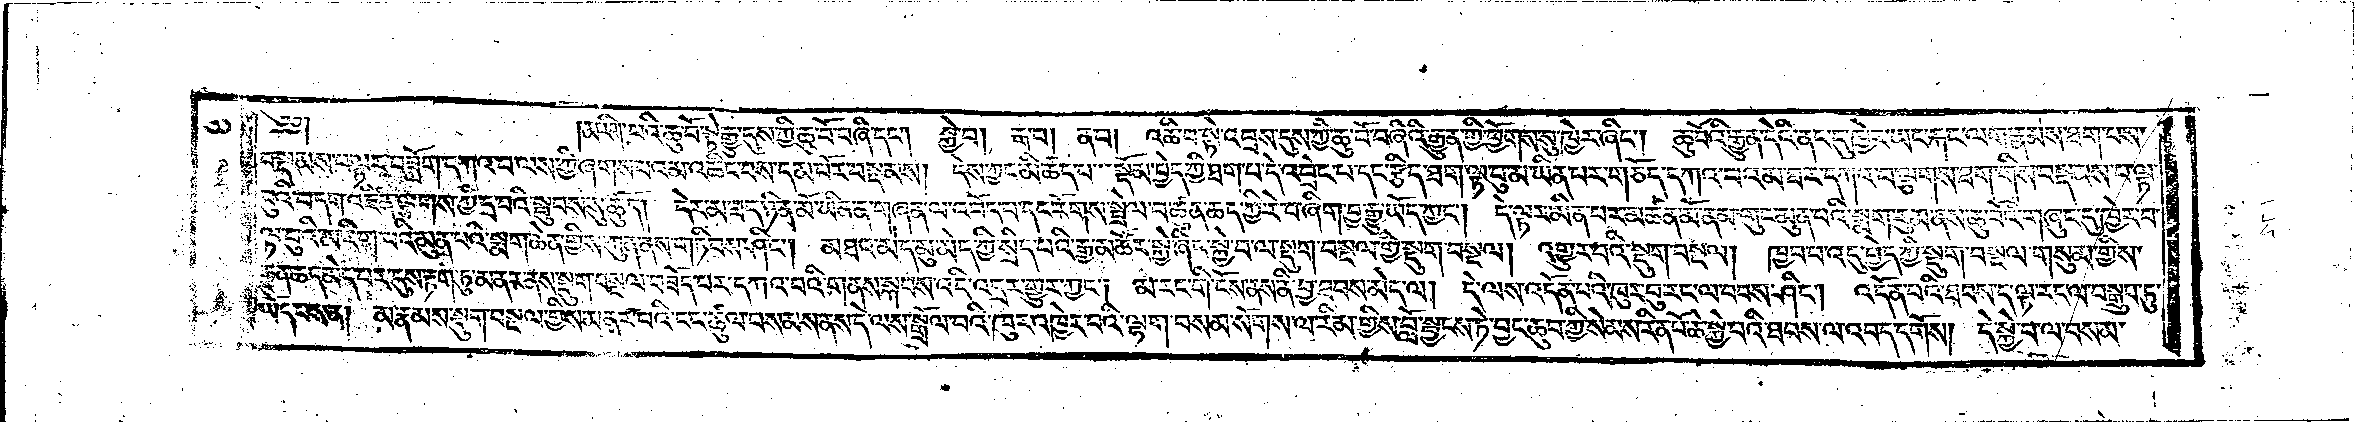༄༅། །མ་རིག་པའི་ཆུ་བོ་སྟེ་རྒྱུ་དུས་ཀྱི་ཆུ་བོ་བཞི་དང་། སྐྱེ་བ། རྒ་བ། ན་བ། འཆི་བ་སྟེ་འབྲས་དུས་ཀྱི་ཆུ་བོ་བཞིའི་རྒྱུན་གྱི་ཕྱོགས་སུ་ཁྱེར་ཞིང་། ཆུ་བོའི་རྒྱུན་དེའི་ནང་དུ་ཁྱེར་ཡང་རྐང་ལག་རྣམས་ཐག་པས་
བསྡམས་པ་ལྟར་བཟློག་དཀའ་བ་ལས་ཀྱི་ཞགས་པའམ་འཆིང་བས་དམ་པོར་བསྡམས། དེས་ཀྱང་མི་ཚད་པ་སྡོམ་བྱེད་ཀྱི་ཐག་པ་དེ་འབྲེང་པ་དང་རྩིད་ཐག་ལྟ་བུ་མ་ཡིན་པར་གཅོད་དཀའ་བའམ་ཐར་དཀའ་བ་ལྕགས་ཐག་གིས་བསྡམས་པ་ལྟ་
བུའི་བདག་འཛིན་ལྕགས་ཀྱི་དྲ་བའི་སྦུབས་སུ་ཚུད། དེར་མ་ཟད་ཉིན་མོ་ཡིན་ན་གཞན་ལ་འབོད་པ་དང་རོགས་སྦྲེལ་བ་ཚུན་ཆད་ཀྱི་རེ་བ་ཞིག་བྱ་རྒྱུ་ཡོད་ཀྱང་། དེ་ལྟར་མིན་པར་མཚན་མོ་ནམ་གུང་མུན་པའི་སྨག་རུམ་ནས་ཆུ་བོའི་གཞུང་དུ་ཁྱེར་བ་
ལྟ་བུའི་མ་རིག་པའི་མུན་པའི་སྨག་ཆེན་གྱིས་ཀུན་ནས་གཏིབས་ཤིང་། མཐའ་མེད་མུ་མེད་ཀྱི་སྲིད་པའི་རྒྱ་མཚོར་སྐྱེ་ཞིང་སྐྱེ་བ་ལ་སྡུག་བསྔལ་གྱི་སྡུག་བསྔལ། འགྱུར་བའི་སྡུག་བསྔལ། ཁྱབ་པ་འདུ་བྱེད་ཀྱི་སྡུག་བསྔལ་གསུམ་གྱིས་
རྒྱུན་ཆད་མེད་པར་དུས་རྟག་ཏུ་མནར་ནས་སྡུག་བསྔལ་བཟོད་པར་དཀའ་བའི་གནས་སྐབས་འདི་འདྲར་གྱུར་ཀྱང༑ མ་རང་གི་ངོས་ནས་ནི་བྱ་ཐབས་མེད་ལ། དེ་ལས་འདོན་པའི་ཁུར་བུ་རང་ལ་བབས་ཤིང་། འདོན་པའི་ཐབས་ད་ལྟ་རང་ལ་བསྒྲུབ་ཏུ་
ཡོད་པས་ན། མ་རྣམས་སྡུག་བསྔལ་གྱིས་མནར་བའི་ངང་ཚུལ་བསམས་ནས་དེ་ལས་སྒྲོལ་བའི་ཁུར་འཁྱེར་བའི་ལྷག་བསམ་སོགས་ལ་རིམ་གྱིས་བློ་སྦྱངས་ཏེ་བྱང་ཆུབ་ཀྱི་སེམས་རིན་པོ་ཆེ་སྐྱེ་བའི་ཐབས་ལ་འབད་དགོས། དེ་སྐྱེ་བ་ལ་བསམ་